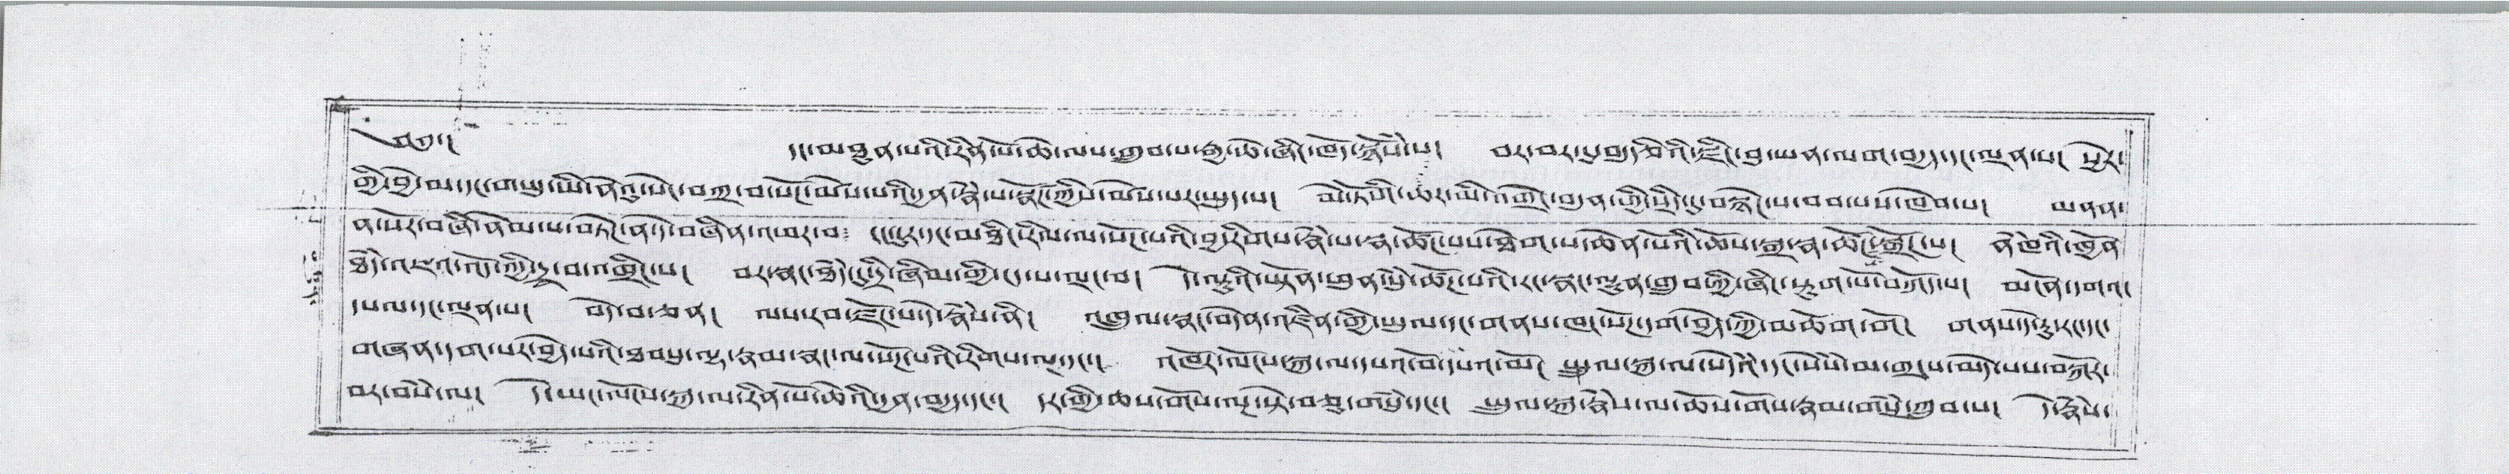དང་མཐུན་པའི་རིན་པོ་ཆེ་ལས་གྲུབ་པ་རྒྱ་ཆེ་ཞིང་ཁོད་སྙོམས་པ། བར་བར་དུ་བདུད་རྕིའི་རྫིང་བུ་ཡན་ལག་བརྒྱད་དང་ལྡན་པ། གསེར་
གྱི་བྱེ་མ་དང་གཡུ་ཡི་ནེའུ་གསེང་བཀྲ་བ་སོགས་མཛེས་པའི་རྒྱན་རྣམ་པ་སྣ་ཚོགས་ཀྱིས་མཛེས་པར་སྤུད་པ། མེ་ཏོག་གི་ཆར་མི་འགྲེང་བདུན་གྱི་སྲེད་དུ་བསྙེགས་པ་བབས་པས་ཁེབས་པ། མནན་
ན་སོར་བཞི་ནེམ་པ་བཏེགས་ན་དེ་བཞིན་འཕར་བ། ངང་ངུར་དང་མཐིང་རོལ་ལ་སོགས་པའི་བྱ་རིགས་རྣམ་པ་སྣ་ཚོགས་པས་ཐེག་པ་ཆེན་པོའི་ཆོིས་སྒྲ་སྣ་ཚོགས་སྒྲོགས་པ། ནམ་མཁའི་ཁྱོན་
ཐམས་ཅད་འཇའ་འོད་ཀྱི་དྲྭ་བ་འཁྲིགས་པ། བར་སྣང་ཐམས་ཅད་དུ་དྲི་ཞིམ་གྱི་ངད་པ་ལྡང་བ། དེ་ལྟ་བུའི་ཡོན་ཏན་ཕུན་སུམ་ཚོགས་པའི་རང་སྣང་ལྷུན་གྲུབ་ཀྱི་ཞིང་སྟུག་པོ་བཀོད་པ། མངོན་དགའ་
དཔལ་དང་ལྡན་པ། བདེ་བ་ཅན། ལས་རབ་རྫོགས་པ། དེ་རྣམས་ནི་འཁྲུལ་སྣང་བདེན་འཛིན་གྱི་ཡུལ་དང་གནས་ཁང་སོགས་དག་བྱེད་ཀྱི་མཆོག་གོ གནས་དེ་རུ་རང་དང་
གཞན་དག་པར་བྱེད་པའི་ཐབས་སུ་ལྷ་རྣམ་སྣང་ལ་སོགས་པའི་རིགས་ལྔ་དང་། འཁོར་ལོངས་སྐུ་ལ་དཔའ་བོ་དཔའ་མོ། སྤྲུལ་སྐུ་ལ་སེམས་དཔའ་དང་སེམས་མ་གྲངས་མེད་པས་བསྐོར་
བར་བསམ་ལ། དེ་ཡང་ལོངས་སྐུ་ལ་རིན་པོ་ཆེའི་རྒྱན་བརྒྱད་དང་། དར་གྱི་ཆས་གོས་ལྔ་སྟེ་བཅུ་གསུམ་དང་། སྤྲུལ་སྐུ་རྣམས་ལ་ཆས་གོས་རྣམ་གསུམ་གྲུབ་པ། དེ་རྣམས་